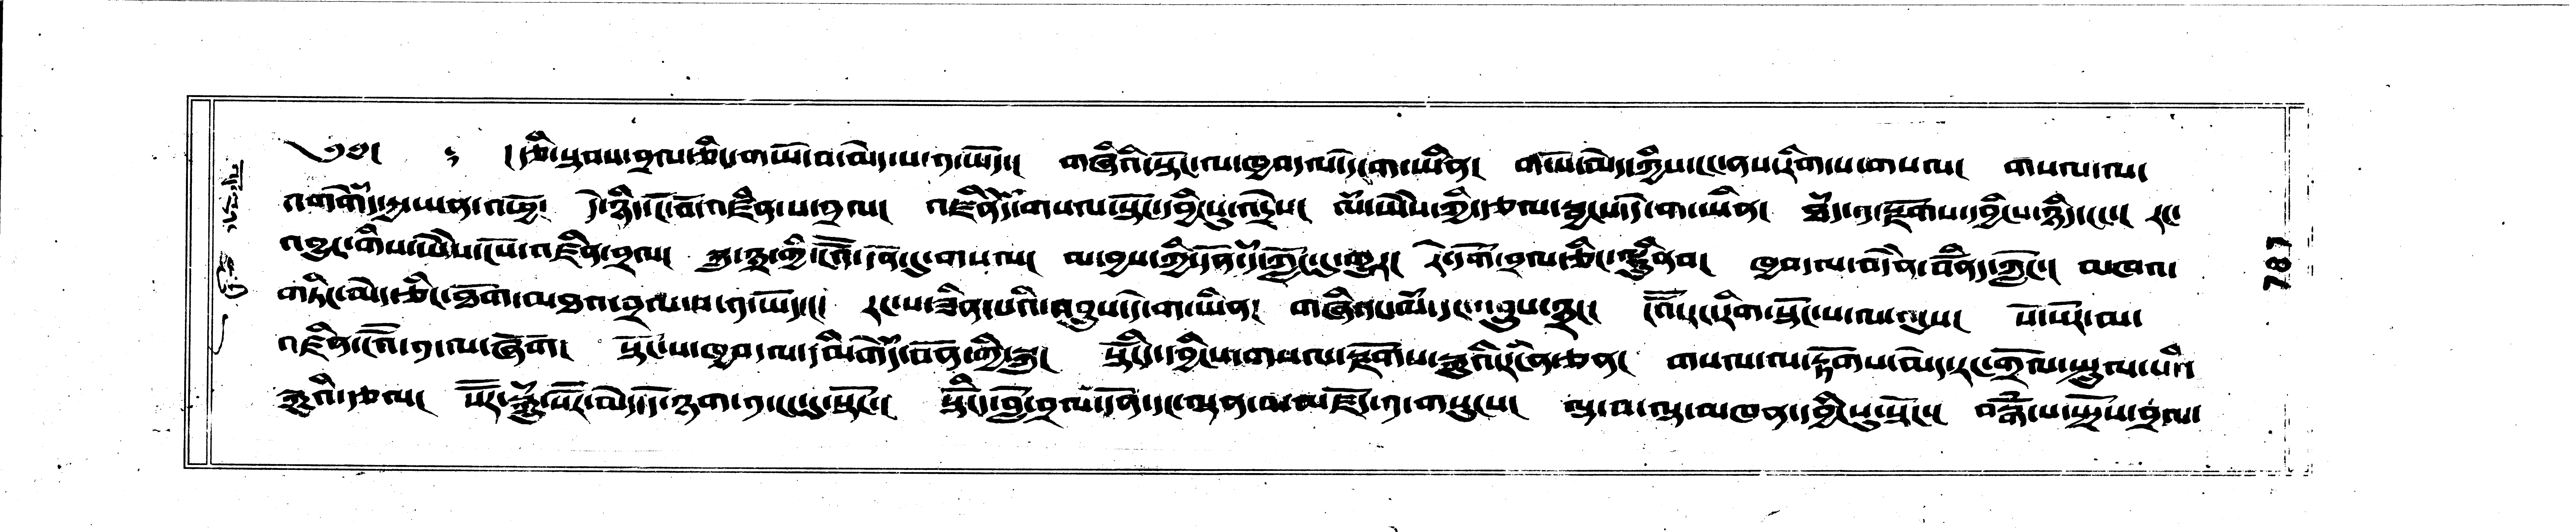རྩིས་གདབས་བྲལ་ཞིང་གཡོ་བ་མེད་པ་ཅིག་ཡོད། གཞི་སྟོང་ལ་ཁྱབ་བདལ་དེ་ག་ཡིན། གཡོ་མེད་ཀྱི་ངང་ནས་རིག་པ་གསལ། གསལ་ལ་
འགག་མེད་རྒྱ་ཡན་འཕྱོ། དེ་ཉིད་ངོའོ་འཛིན་པ་བྲལ། འཛིན་མེད་གསལ་སྟོང་དབྱིངས་སུ་འདྲེས། ལམ་ཡེ་ཤེས་ཀྱི་རྩལ་སྦྱོང་དེ་ག་ཡིན། ཐམས་རྫོགས་དབྱིངས་ཉིད་ངང་། རང་
འབྱུང་གི་ཡེ་ཤེས་ངོས་འཛིན་བྲལ། སྐུ་གསུམ་གྱི་ངོའོ་དོན་དུ་གསལ། མ་བྱས་ཀྱི་དོན་དམ་ཀློང་དུ་གྱུར། རེ་དོགས་བྲལ་ཅིང་ལྷུན་གྱིས་གྲུབ། ཁྱབ་བདལ་བདེ་ཆེན་བོན་ཉིད་ཀློང་། ཁ་
གཏིང་མེད་ཅིང་ཐོག་མཐའ་བྲལ་བ་ཅིག་ཡོད། རང་ས་ཟིན་པའི་འབྲས་བུ་དེ་ག་ཡིན། གཞི་དང་ལམ་དང་འབྲས་བུ་གསུམ། ངོའོ་རང་རིག་སྟོང་པ་ལ་འདུས། སོ་སོར་མ་
འཛིན་ངོའོ་གཅིག་ལ་ཞོག །སྟོང་པ་ཁྱབ་བདལ་དམིགས་མེད་བོན་གྱི་སྐུ། །སྟོང་ཉིད་དབྱིངས་གསལ་རྫོགས་སྐུའི་རང་བཞིན་ཅན། །གསལ་ལ་རྟོག་མེད་རང་གྲོལ་སྤྲུལ་པའི་
སྐུའི་རྩལ། །སོ་སོར་སྐུ་གསུམ་སོ་སོར་མེད་དོ་ཉག་གཅིག་ངང་དུ་སྟོང་། །སྟོང་ཉིད་བློ་བྲལ་